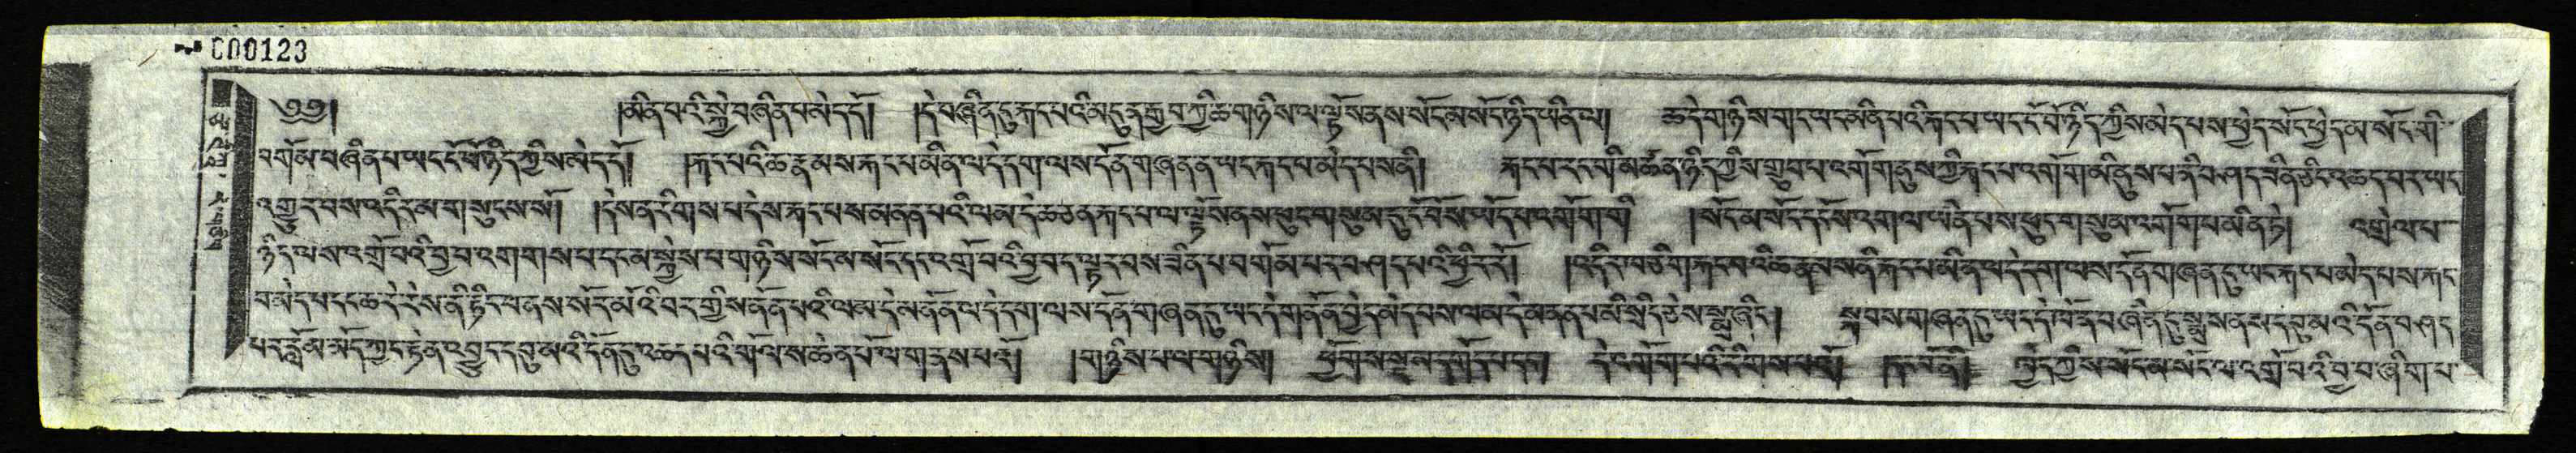༄༅། །མིན་པའི་སྐྱེ་བཞིན་པ་མེད་དོ། །དེ་བཞིན་དུ་རྐང་པའི་མདུན་རྒྱབ་ཀྱི་ཆ་གཉིས་ལ་ལྟོས་ནས་སོང་མ་སོང་ཉིད་ཡིན་ལ། ཆ་དེ་གཉིས་གང་ཡང་མིན་པའི་རྐང་པ་ཡང་ངོ་བོ་ཉིད་ཀྱིས་མེད་པས་ཕྱེད་སོང་ཕྱེད་མ་སོང་གི་
བགོམ་བཞིན་པ་ཡང་ངོ་བོ་ཉིད་ཀྱིས་མེད་དོ། །རྐང་པའི་ཆ་རྣམས་རྐང་པ་མིན་ལ་དེ་དག་ལས་དོན་གཞན་ན་ཡང་རྐང་པ་མེད་པས་ནི། རྐང་པ་རང་གི་མཚན་ཉིད་ཀྱིས་གྲུབ་པ་འགོག་ནུས་ཀྱི་རྐང་པ་འགོག་མི་ནུས་པ་ནི་བཤད་ཟིན་ཅིང་འཆད་པར་ཡང་
འགྱུར་བས་འདིར་མ་གསུངས་སོ། །དེས་ན་རིགས་པ་དེས་རྐང་པས་མནན་པའི་ལམ་དེ་ཆ་ཅན་རྐང་པ་ལ་ལྟོས་ནས་ཕུང་གསུམ་དུ་ངོ་བོས་ཡོད་པ་འགོག་གི །སོང་མ་སོང་དངོས་འགལ་ཡིན་པས་ཕུང་གསུམ་འགོག་པ་མིན་ཏེ། འགྲེལ་པ་
ཉིད་ལས་འགྲོ་བའི་བྱ་བ་འགགས་པ་དང་མ་སྐྱེས་པ་གཉིས་སོང་མ་སོང་དང་འགྲོ་བའི་བྱ་བ་ད་ལྟར་བས་ཟིན་པ་བགོམ་པར་བཤད་པའི་ཕྱིར་རོ། །འདིར་ཁ་ཅིག་རྐང་པའི་ཆ་རྣམས་ནི་རྐང་པ་མིན་ལ་དེ་དག་ལས་དོན་གཞན་དུ་ཡང་རྐང་པ་མེད་པས་རྐང་
བ་མེད་པ་དང་ཆ་རེ་རེས་ནི་རྟིང་པ་ནས་སོང་མོའི་བར་གྱིས་ནོན་པའི་ལམ་དེ་མནོན་ལ་དེ་དག་ལས་དོན་གཞན་དུ་ཡང་དེ་གནོན་བྱེད་མེད་པས་ལམ་དེ་མནན་པ་མི་སྲིད་ཅེས་སྨྲ་ཞིང་། སྐབས་གཞན་དུ་ཡང་དེ་ཁོ་ན་བཞིན་དུ་སྨྲས་ནས་དབུ་མའི་དོན་བཤད་
པར་རློམ་མོད་ཀྱང་རྟེན་འབྱུང་དབུ་མའི་དོན་དུ་འཆད་པའི་གོལ་ས་ཆེན་པོ་ལ་གནས་པའོ། །གཉིས་པ་ལ་གཉིས། ཕྱོགས་སྔ་མ་དགོད་པ་དང་། དེ་འགོག་པའི་རིགས་པའོ། །དང་པོ་ནི། ཁྱེད་ཀྱིས་སོང་མ་སོང་ལ་འགྲོ་བའི་བྱ་བ་ཞིག་པ་